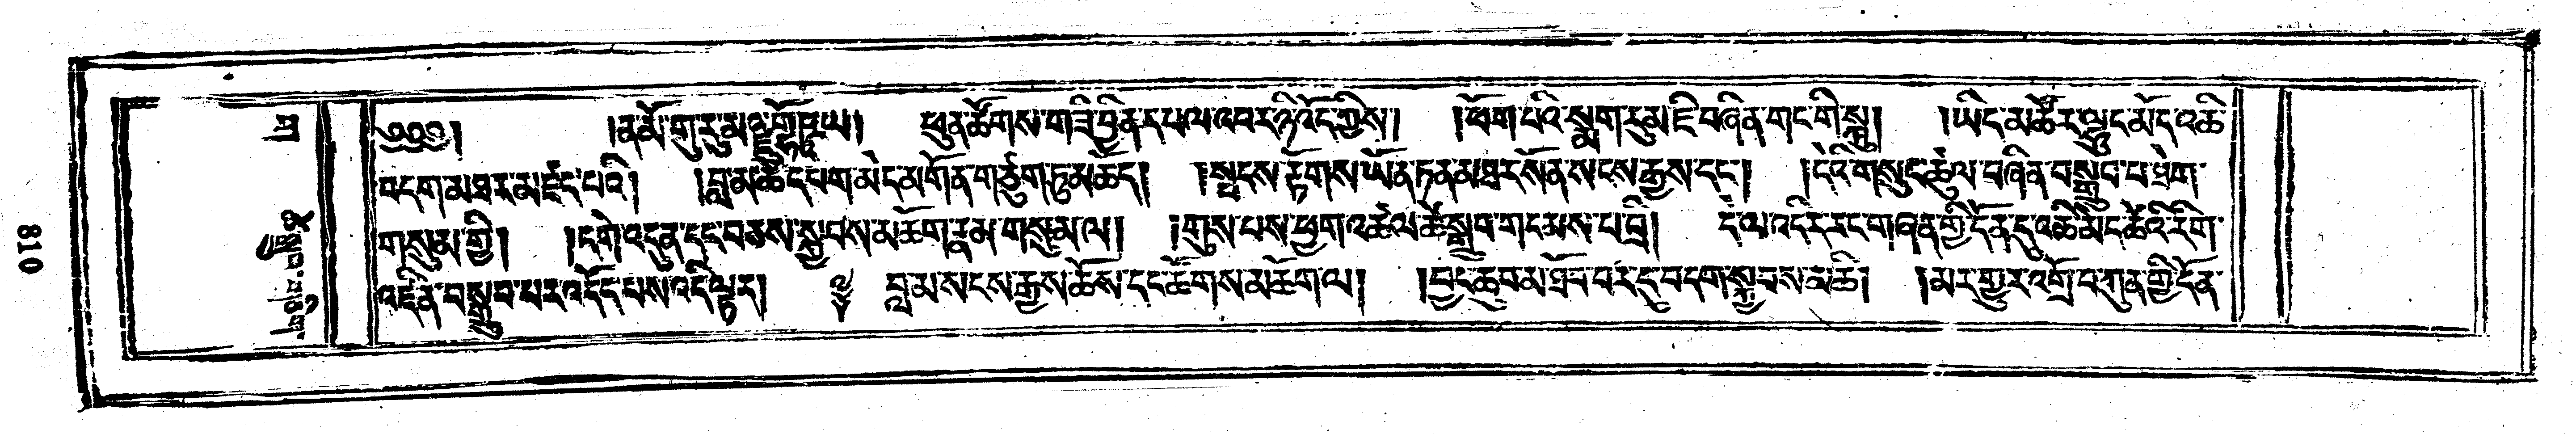༄༅༅། །ན་མོ་གུ་རུ་མཉྫུ་གྷོཥཱ་ཡ། ཕུན་ཚོགས་གཟི་བྱིན་དཔལ་འབར་ཉི་འོད་ཀྱིས། །ཕོག་པའི་སྨག་རུམ་ཇི་བཞིན་གང་གི་སྐུ། །ཡིད་མཚོར་ལྷུང་མོད་འཆི་
བདག་མཐར་མཛད་པའི། །བླ་མ་ཚེ་དཔག་མེད་མགོན་གཙུག་ཏུ་མཆོད། །སྤངས་རྟོགས་ཡོན་ཏན་མཐར་སོན་སངས་རྒྱས་དང་། །དེའི་གསུང་ཚུལ་བཞིན་བསྒྲུབ་པ་ཐེག་
གསུམ་གྱི། །དགེ་འདུན་དང་བཅས་སྐྱབས་མཆོག་རྣམ་གསུམ་ལ། །གུས་པས་ཕྱག་འཚལ་ཚེ་སྒྲུབ་གདམས་པ་བྲི། དེ་ལ་འདིར་རང་གཞན་གྱི་དོན་དུ་འཆི་མེད་ཚེའི་རིག་
འཛིན་བསྒྲུབ་པར་འདོད་པས་འདི་ལྟར། ༈ བླ་མ་སངས་རྒྱས་ཆོས་དང་ཚོགས་མཆོག་ལ། །བྱང་ཆུབ་མ་ཐོབ་བར་དུ་བདག་སྐྱབས་མཆི། །མར་གྱུར་འགྲོ་བ་ཀུན་གྱི་དོན་